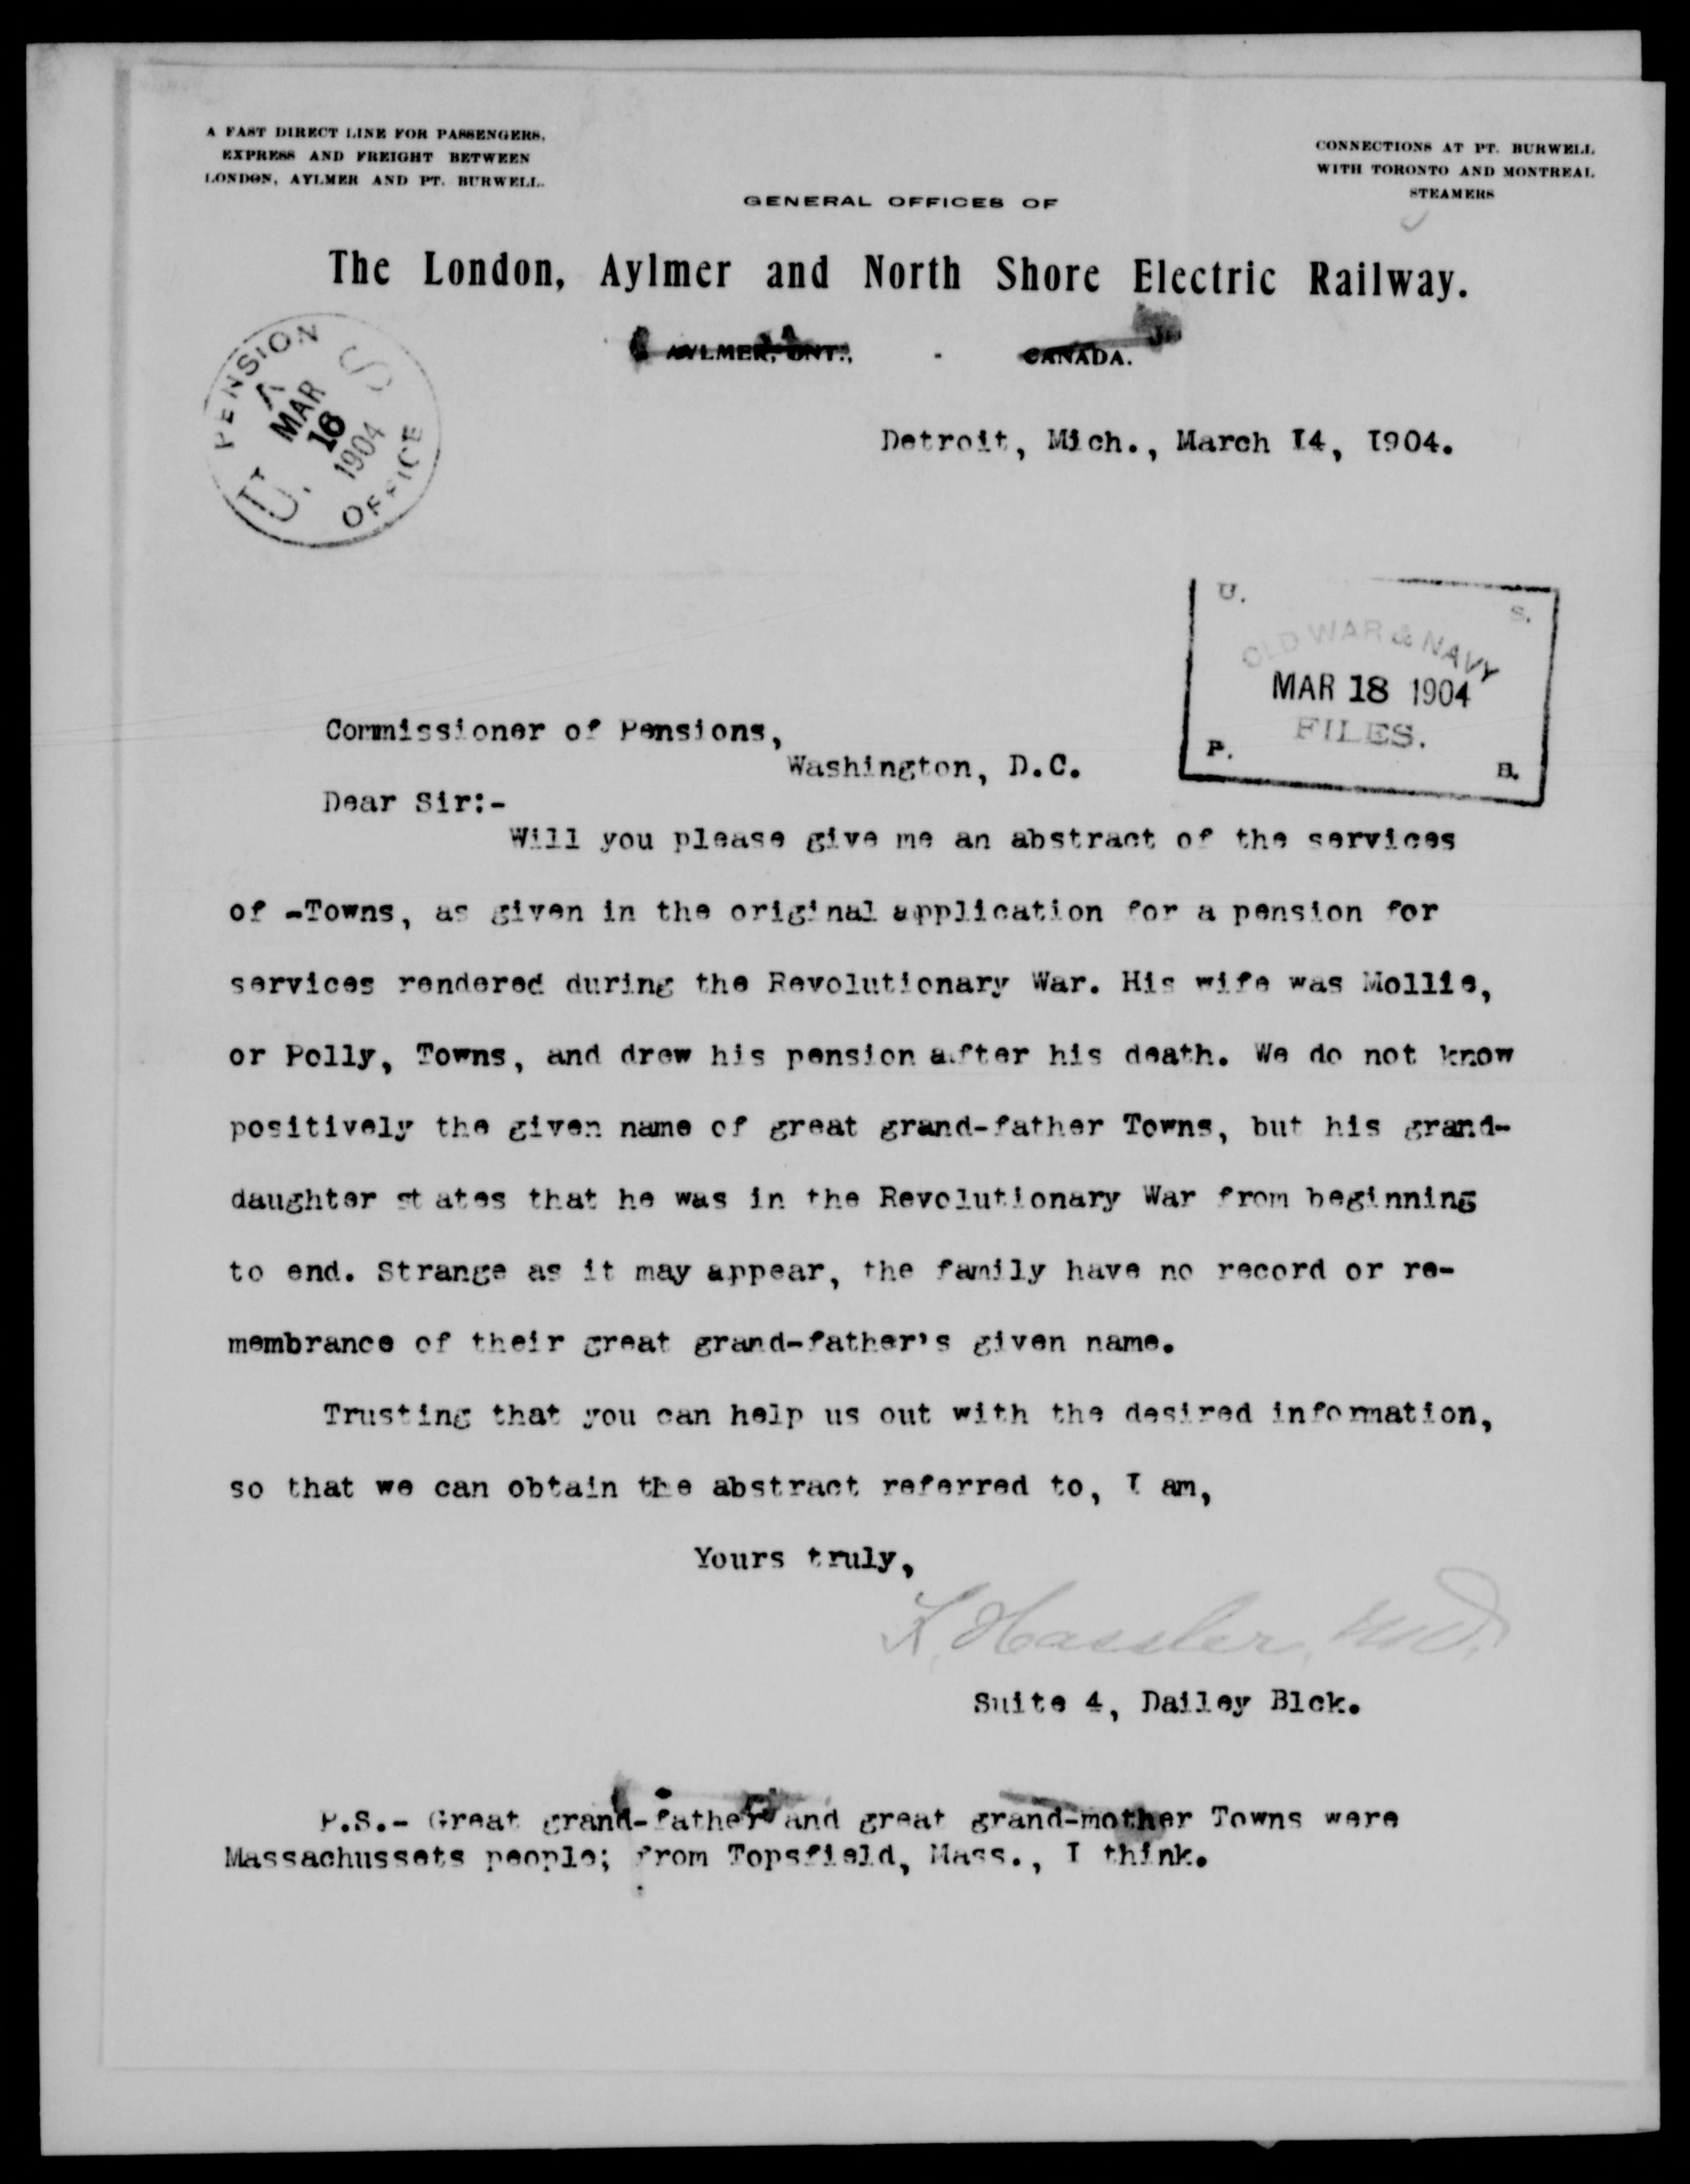A Fast Direct Line for Passengers
Express and Freight Between
London, Aylmer and Pt. Burwell
Connections at Pt. Burwell
with Toronto and Montreal
Steamers

General Offices of
London, Aylmer and North Shore electric Railway
(stamp-U. S. Pension Office A Mar 16, 1904)

Detroit, Mich., March 14, 1904
(stamp-Old War & Navy Files Mar 18, 1904)

Commissioner of Pension, 
Washington, D. C. 

Dear Sir:
Will you please give me an abstract of the services of -Towns, as given in the original application for a pension for services rendered during the Revolutionary War. His wife was Mollie, or Polly, towns, and drew his pension after his death. We do not know positively the given name of great grand-father Towns, but his grand daughter states that he was in the Revolutionary War from beginning to end. Strange as it may appear, the family have no record or remembrance of their great grand-father's given name.
Trusting that you can help us out with the desired information, so that we can obtain the abstract referred to, I am,
Yours truly,
F. Hassler, M.D.
Suite 4, Dailey Blck.

P.S. Great grand-father and great grand-mother Towns were Massachusetts people; from Topsfield, Mass., I think.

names: Towns, F Hassler, Mollie Towns, Polly Towns, Towns, Towns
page: 20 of 64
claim: widow's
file: W. 5831, Edmund Town, Mass.